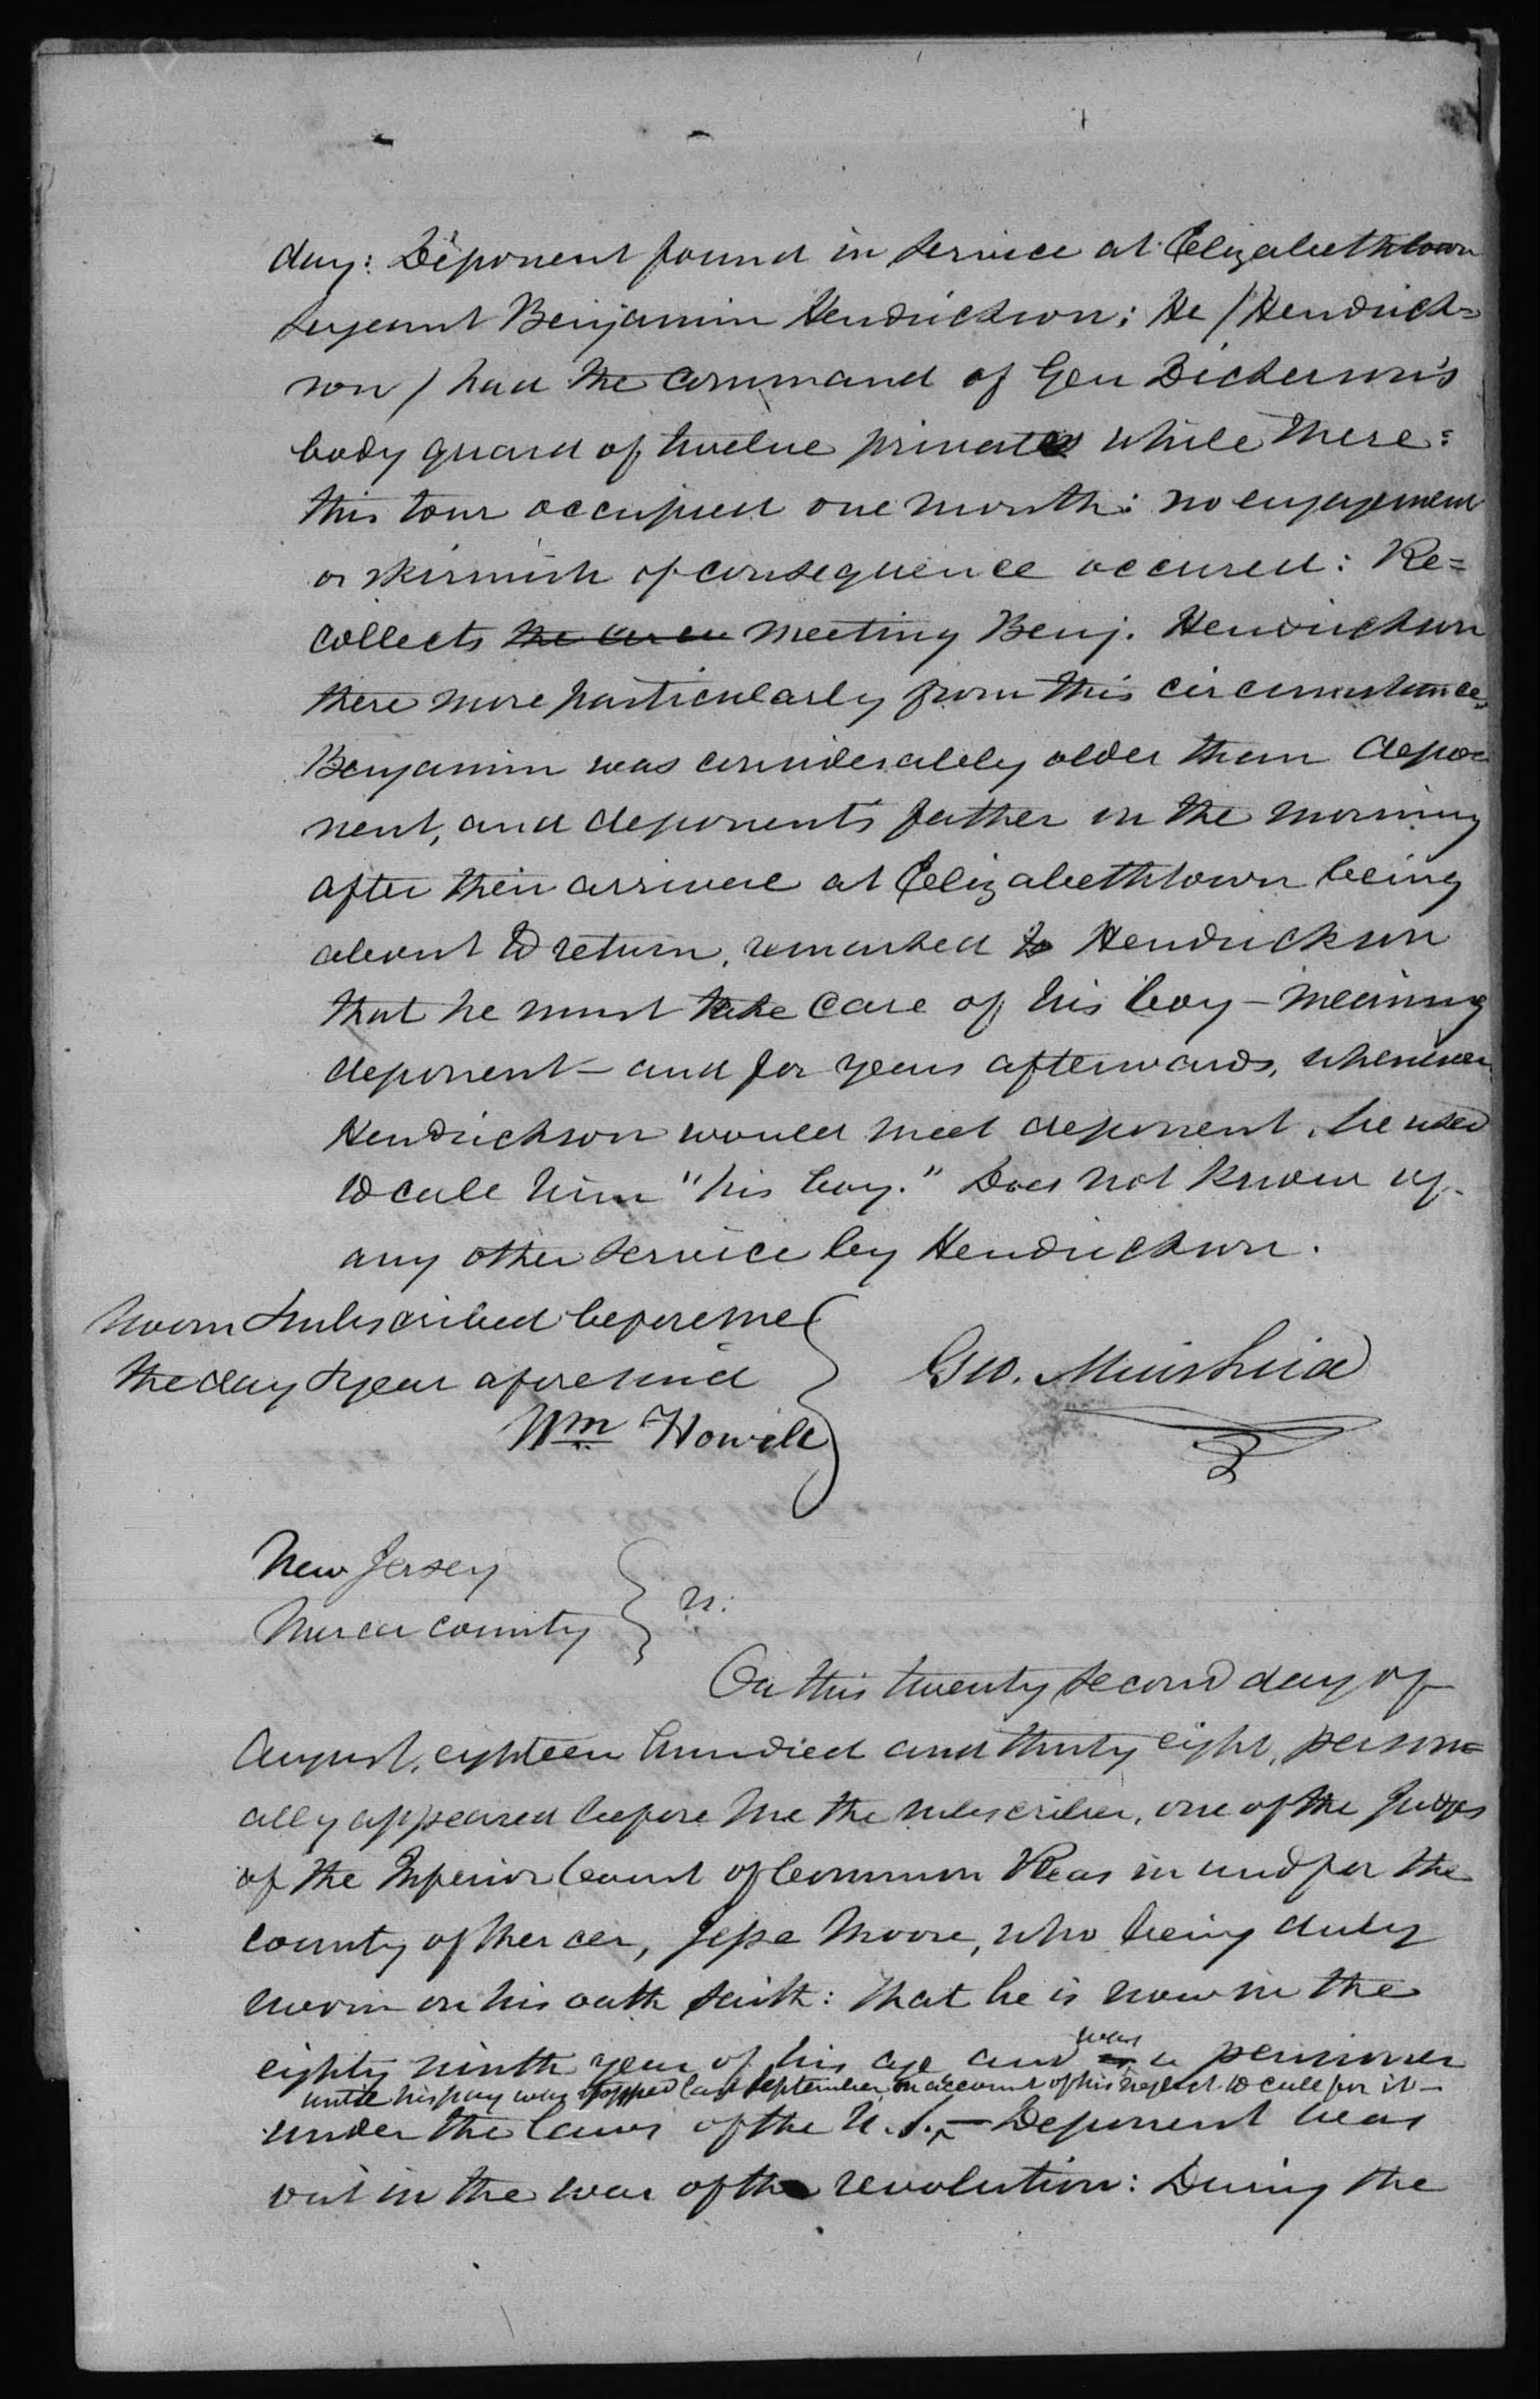day. Deponent found in service at Elizabethtown
Sergeant Benjamin Hendrickson: He /Hendrickson/ had the command of Gen Dickerson's body guard of twelve privates while there: this tour occupied one month: no engagement or skirmish of consequence occured: Recollects meeting Benj. Hendrickson there more particularly from this circumstance. Benjamin was considerably older than deponent, and deponents father on the morning after their arrival at Elizabethtown being about to return, remarked to Hendrickson
that he must take care of his boy- meaning
deponent -and for years afterwards, whenever
Hendrickson would meet deponent he used
to call him "his boy." Does not know of
any other service by Hendrickson.
Geo. Muirheid

Sworn & subscribed before me}
the day & year aforesaid}
Wm Howell}

New Jersey}
Mercer County} ss:

On this twenty second day of August, eighteen hundred and thirty eight, personally
appeared before me the subscriber, one of the Judges of the Inferior Court of Common Pleas in and for the County of Mercer, Jesse Moore, who being duly sworn on his oath saith: That he is now in the eighty ninth year of his age and was  a pensioner under the laws of the U.S. until his pay was stopped last September on account of his neglect to call for it_  Deponent was
out in the war of the revolution: During the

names: Benj Hendrickson, Benjamin, Hendrickson, Hendrickson, Geo Muirheid, Wm Howell, Benjamin Hendrickson, Dickerson, Hendrickson, Hendricks, Jesse Moore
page: 8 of 20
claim: rejected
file: R. 4884, Benjamin Hendrickson, New Jersey